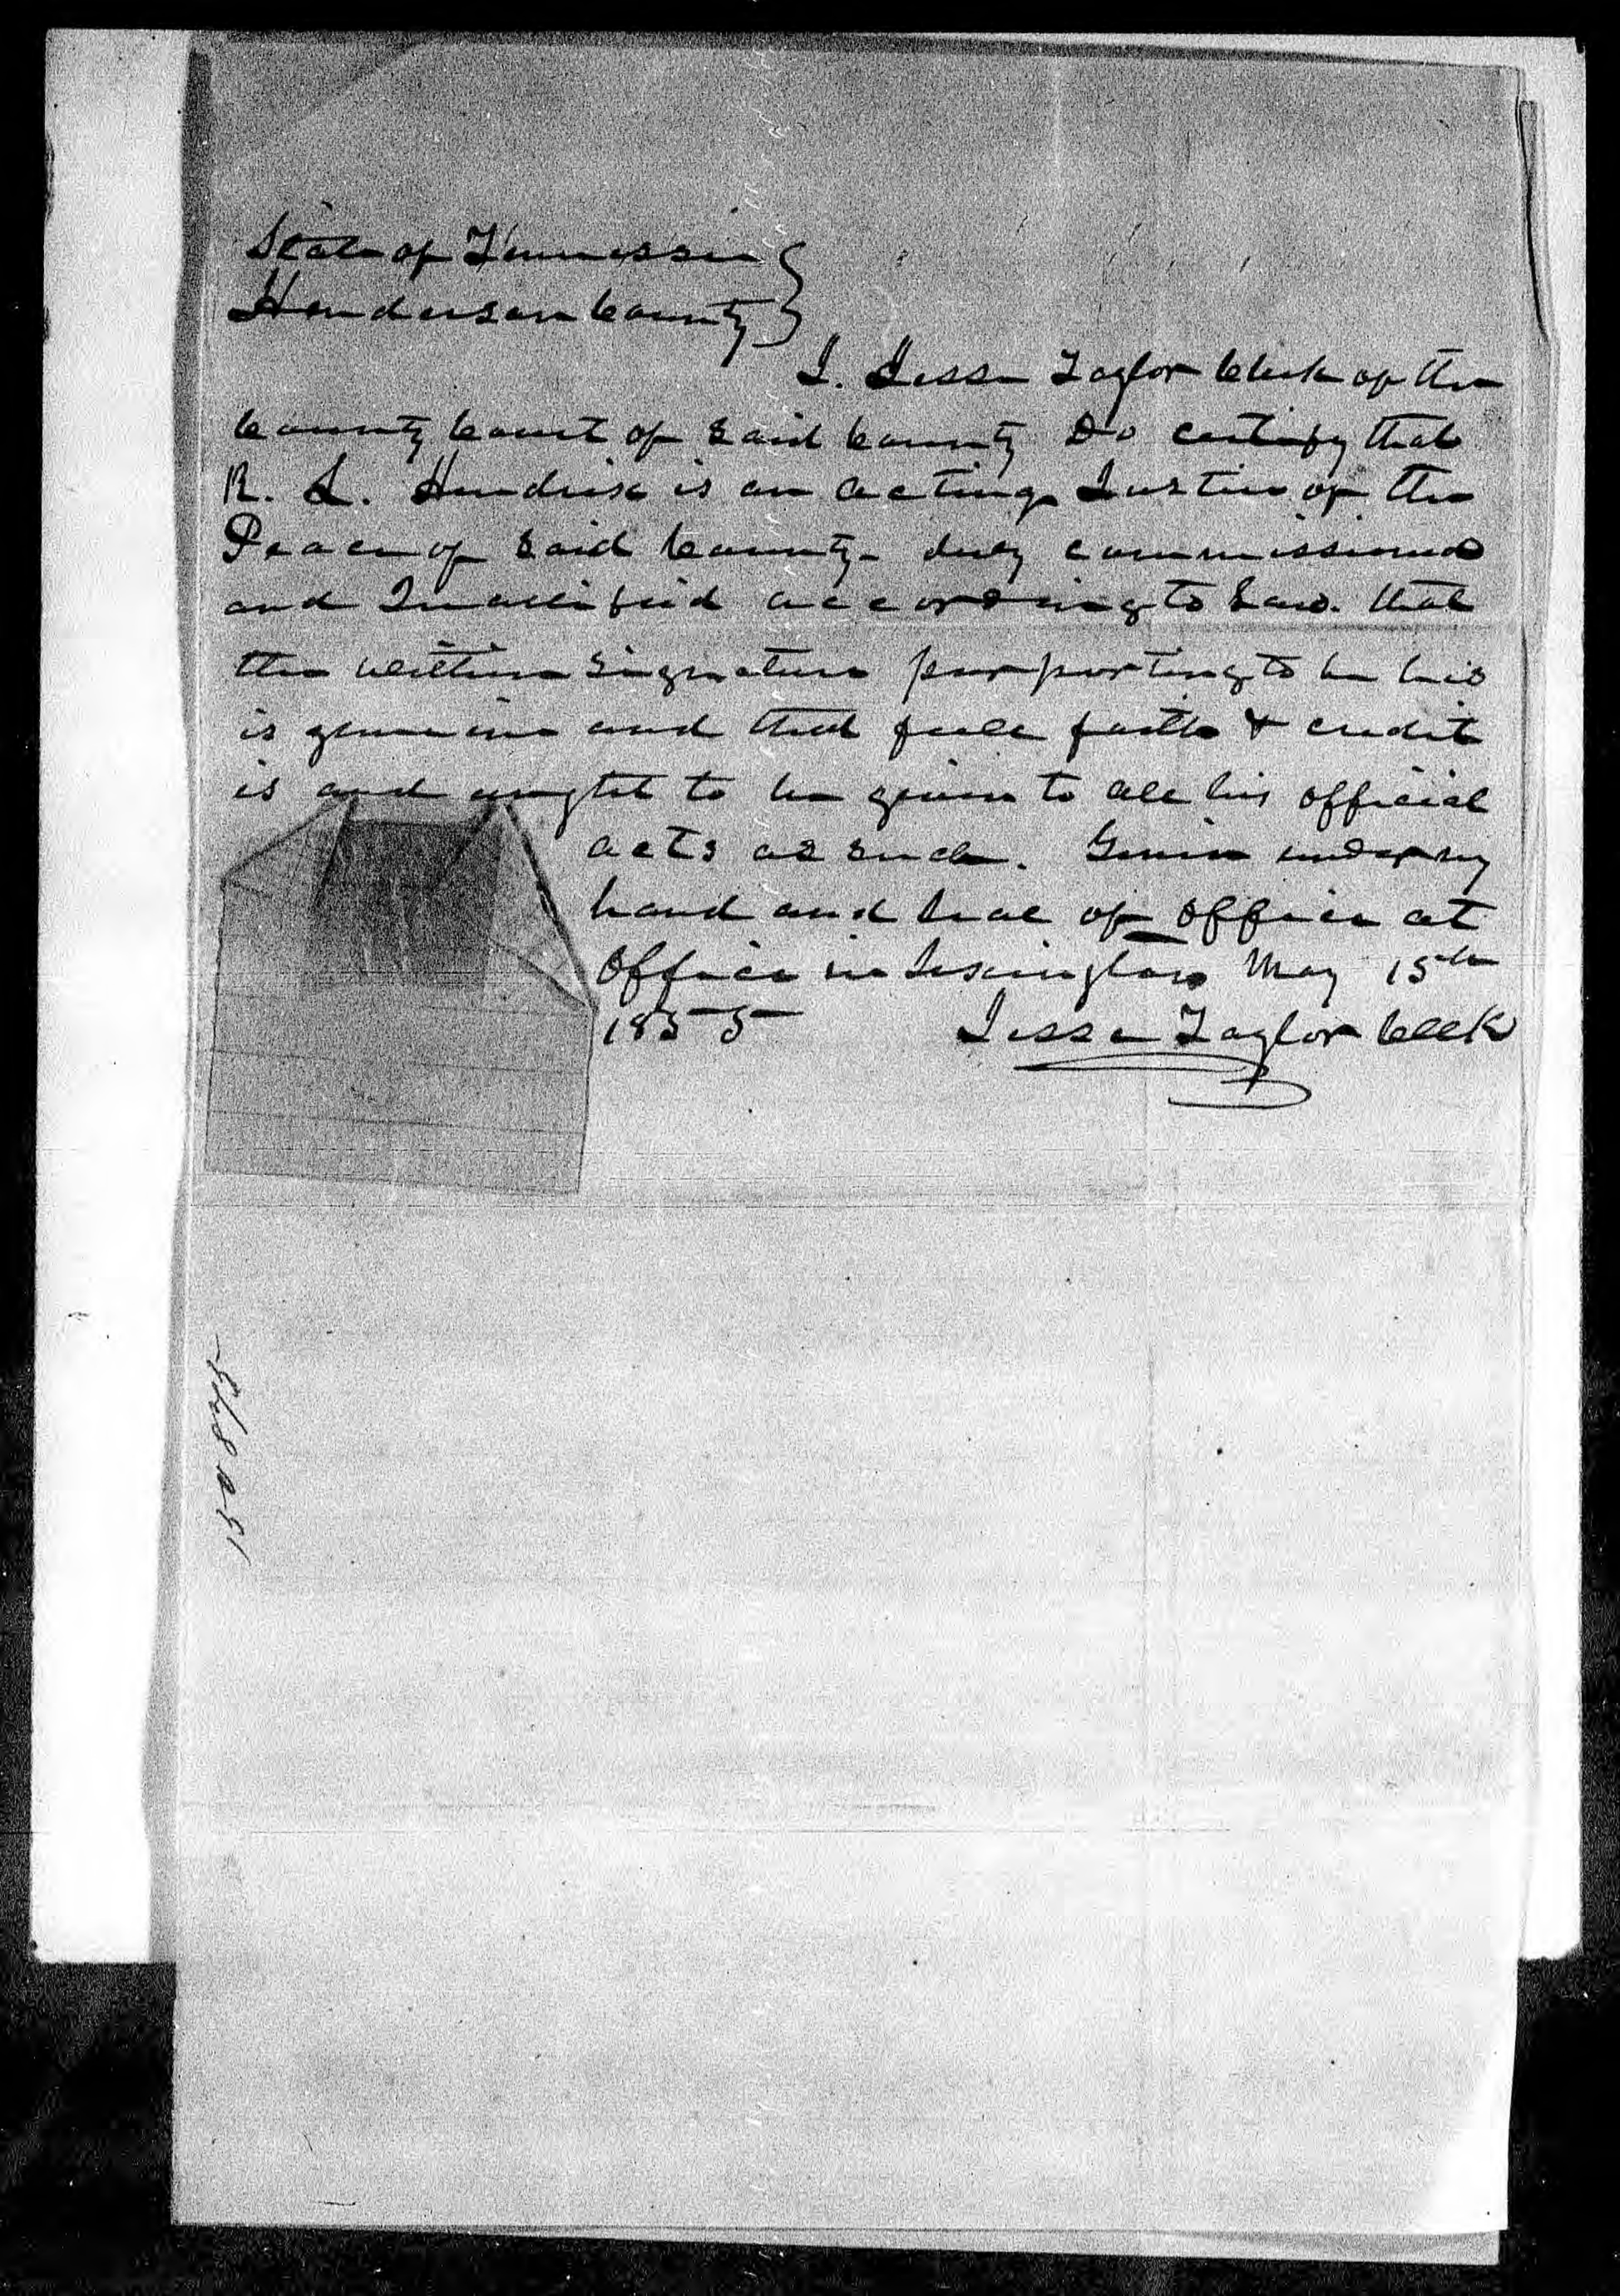State of Tennessee
Henderson County

I Jesse Taylor Clerk of the County Court of said County do certify that R. L. Hendrix is an acting Justice of the
Peace of said County -- duly commissioned and qualified according to law.  That the written signature purporting to be his is genuine and that full faith & credit is [illegible] ought to be given to all his official
acts as such. Given under my
hand and seal of office at office in Lexington May 15th 1855

Jesse Taylor Clerk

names: Jesse Taylor, Jesse Taylor, R L Hendrix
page: 22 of 91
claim: widow's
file: W 358, John Grider, N.C.